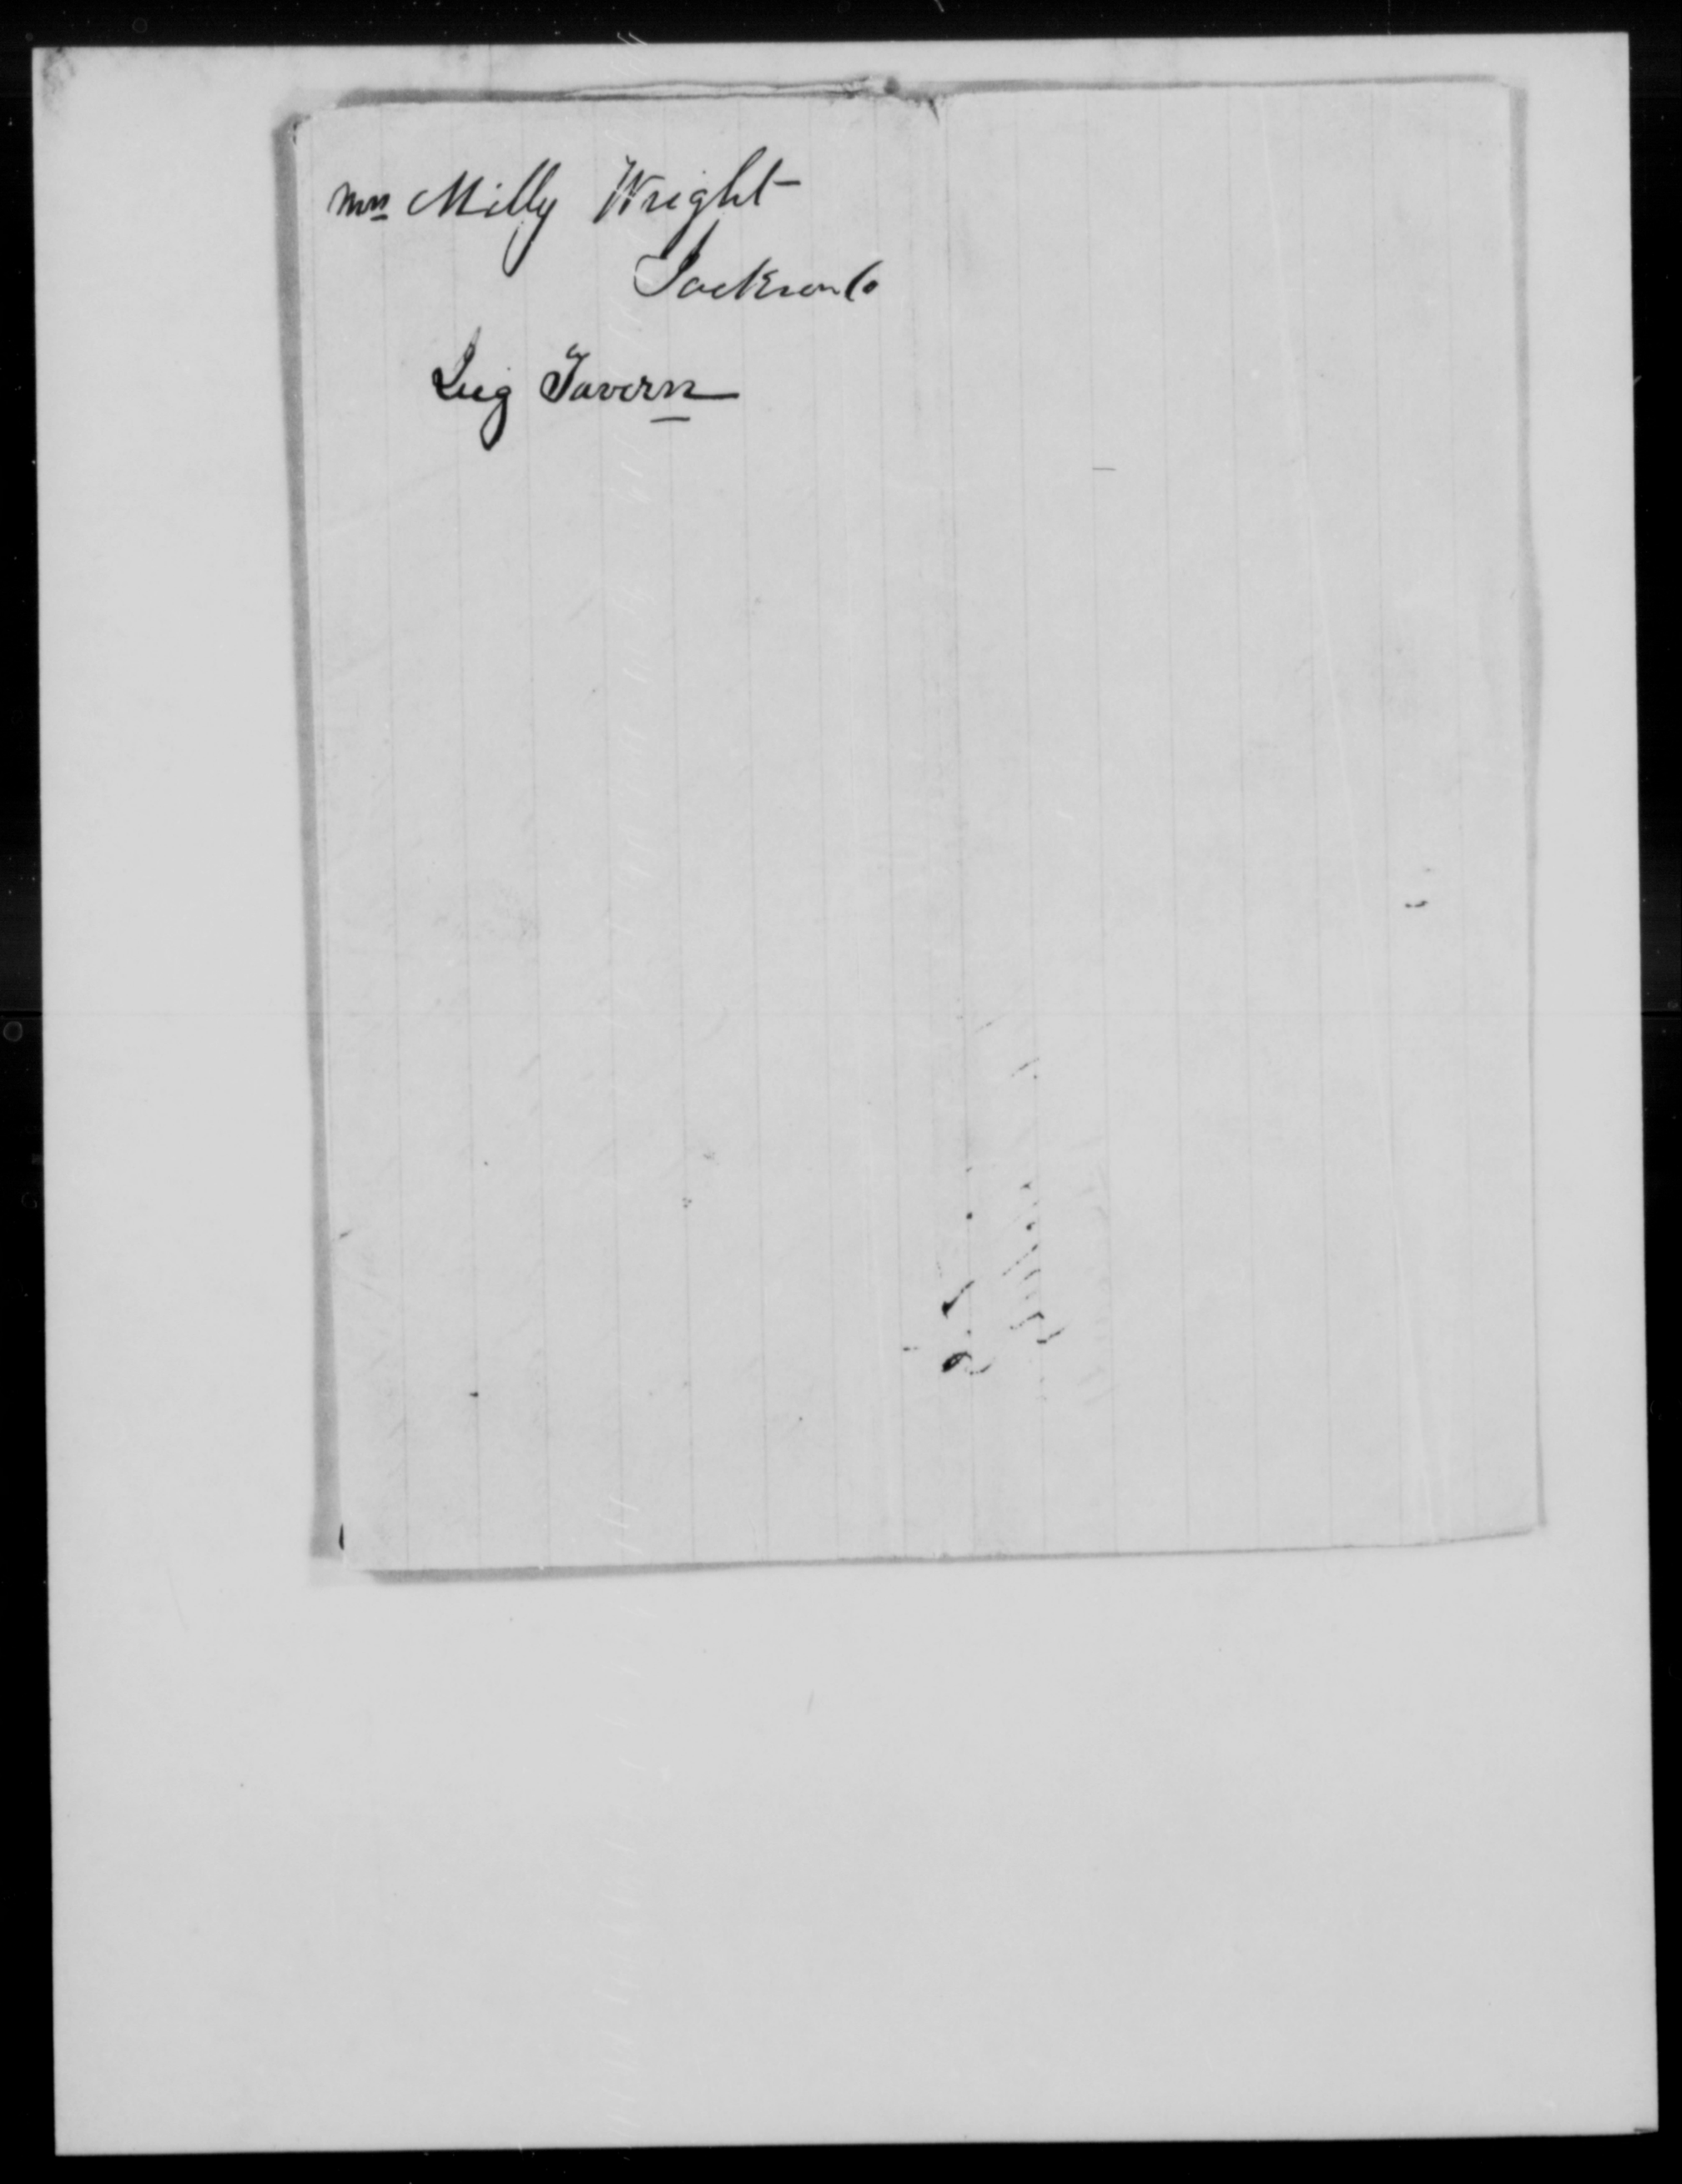Mrs Milly Wright
Jackson Co

[Illegible] Tavern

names: Milly Wright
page: 58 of 81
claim: widow's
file: W. 5183, Bolling Wright, Va.